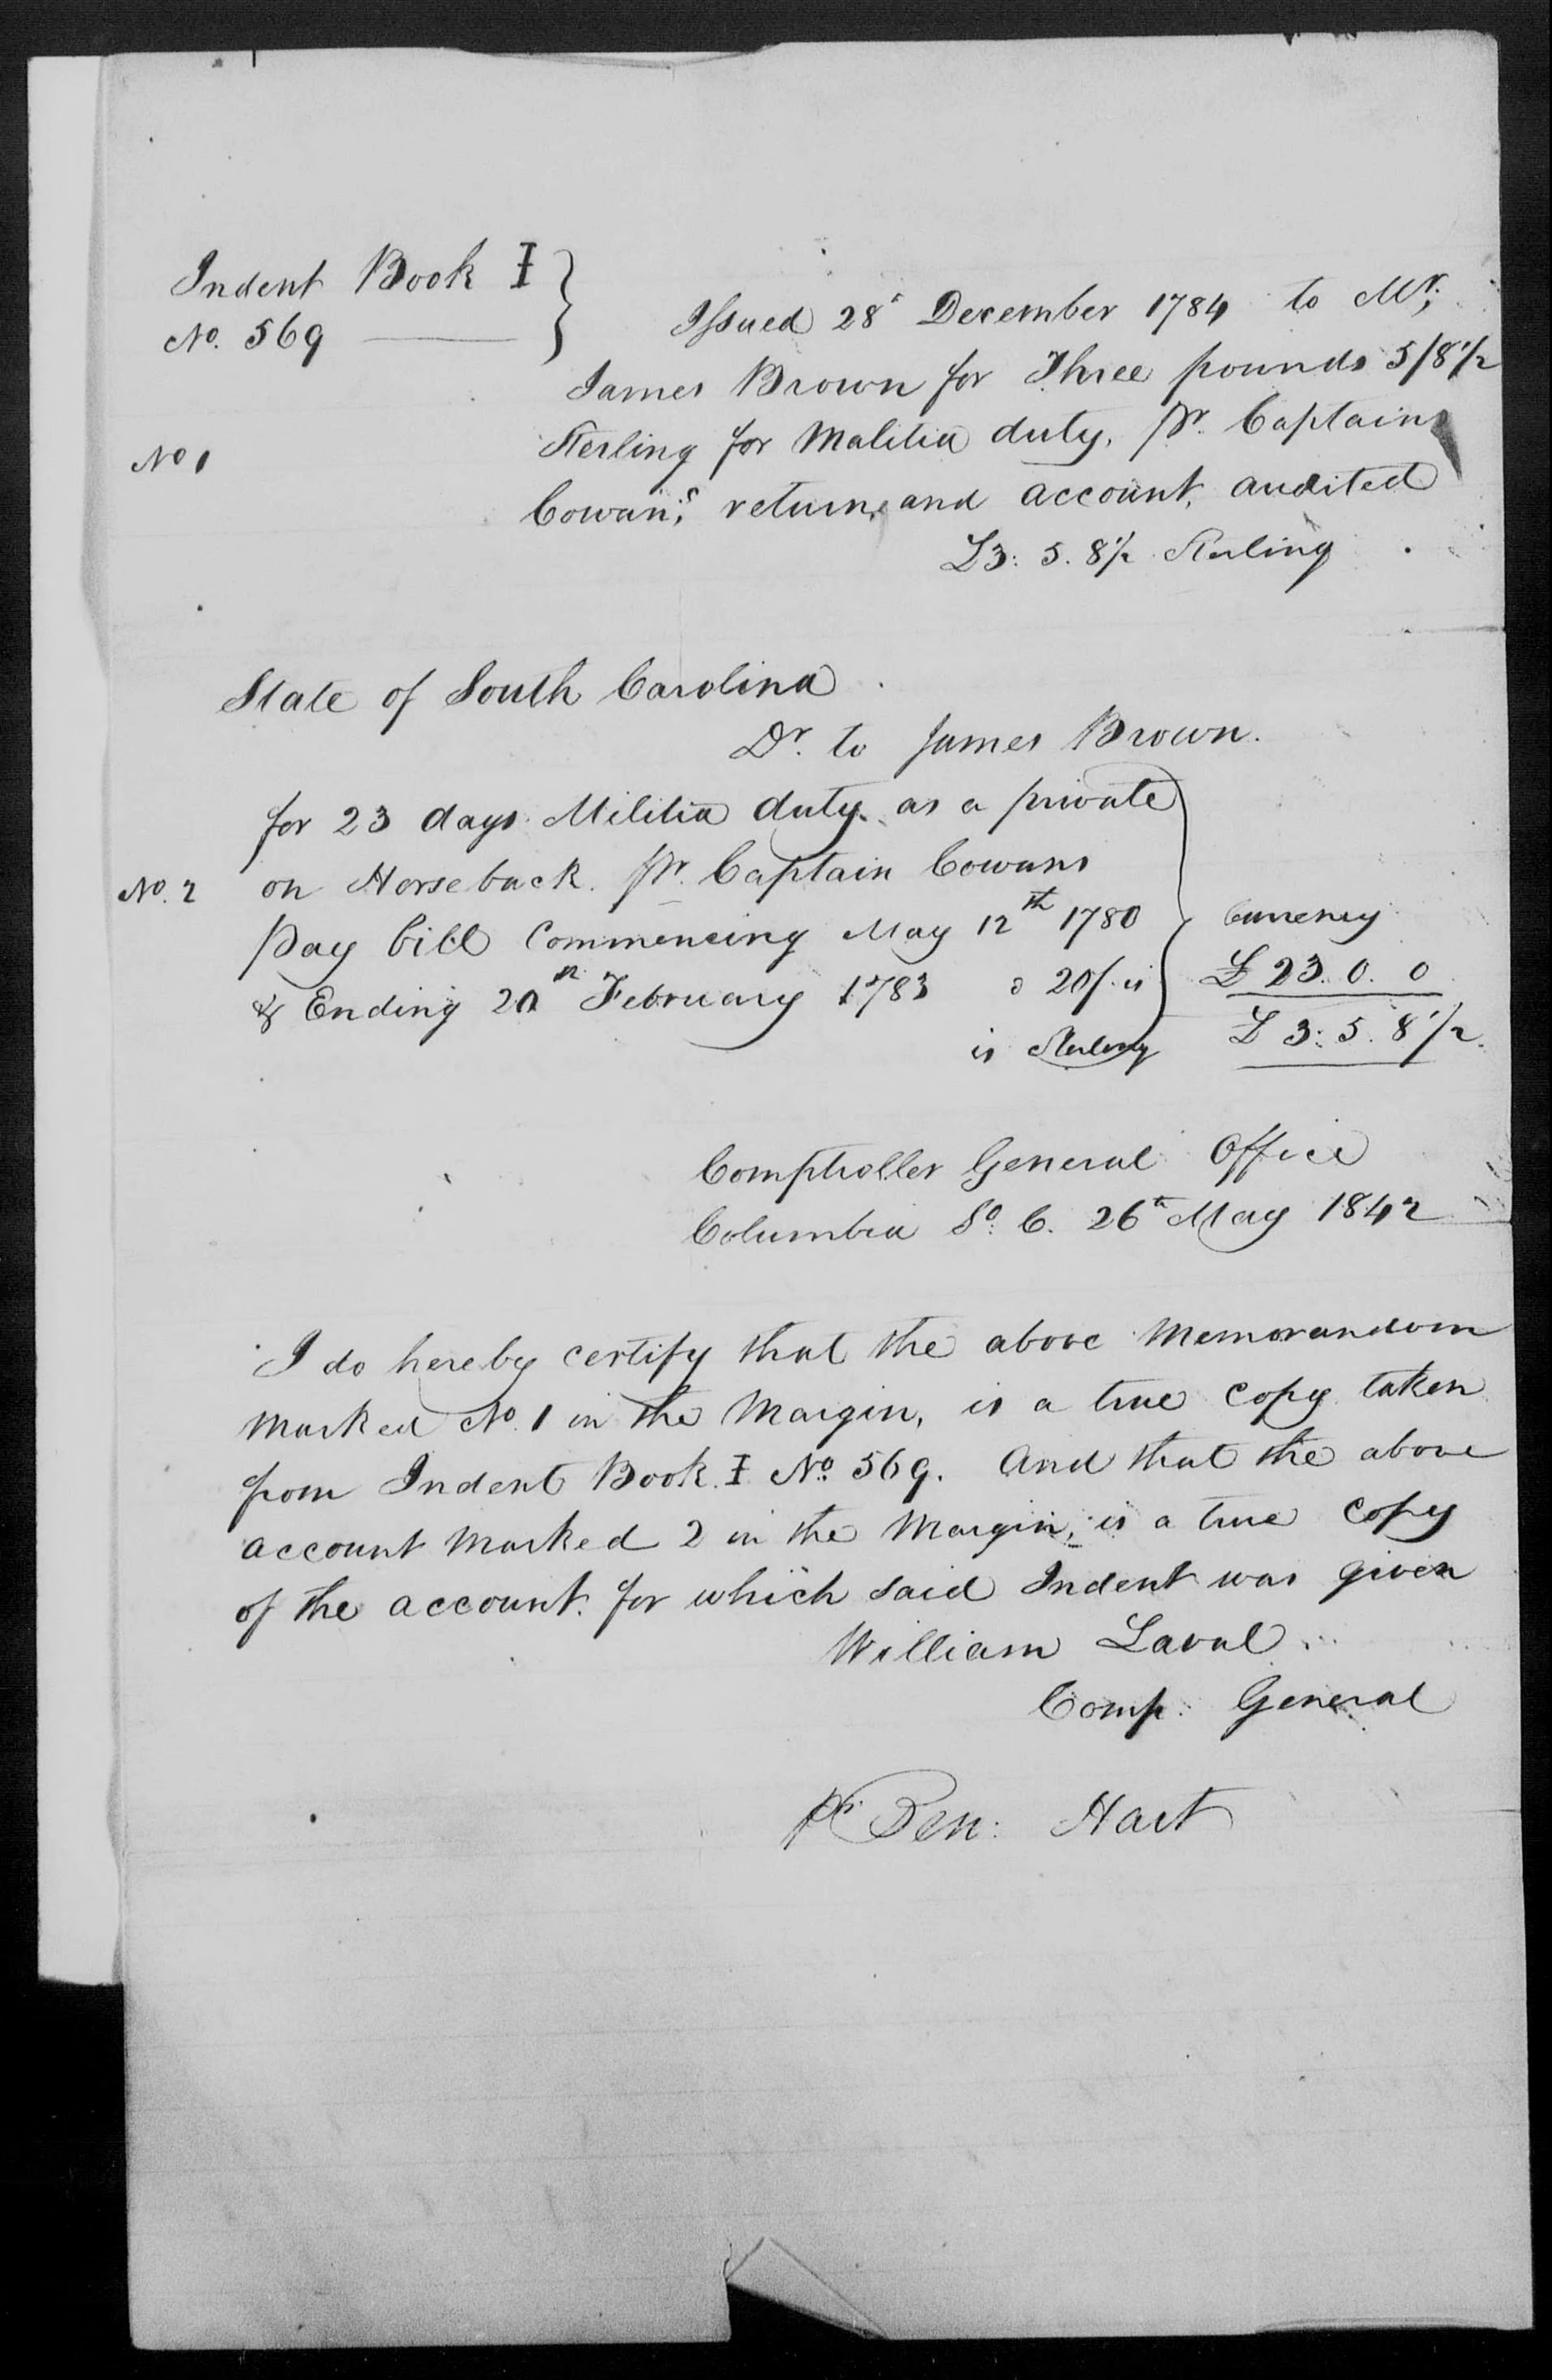Indent Book I
No 569
No 1 Issued 28th December 1784 to Mr James Brown for Three pounds 5.8 ½ Sterling for Militia duty, pr Captain [George] Cowans return and account audited L3.5.8 ½ sterling
No 2 State of South Carolina
Dr to James Brown
for 23 days Militia duty as a private
on Horseback pr. Captain Cowans
pay bill commencing May 12th 1780
& Ending 20th February 1783
Currency 20/ is L23.0.0
in Sterling L3.5.8 1/2
Comptroller General Office
Columbia S.C. 26th May 1842
I do hereby certify that the above memorandom marked No 1 in the Margin, is a true copy taken from Indent Book I No 569. And that the above account marked 2 in the margin is a true copy of the account for which said Indent was given
William Laval Comp. General
pr Ben. Hart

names: Ben Hart, William Laval, James Brown, Cowans, James Brown, Cowan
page: 39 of 41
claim: rejected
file: R. 1309, James Brown, S.C.